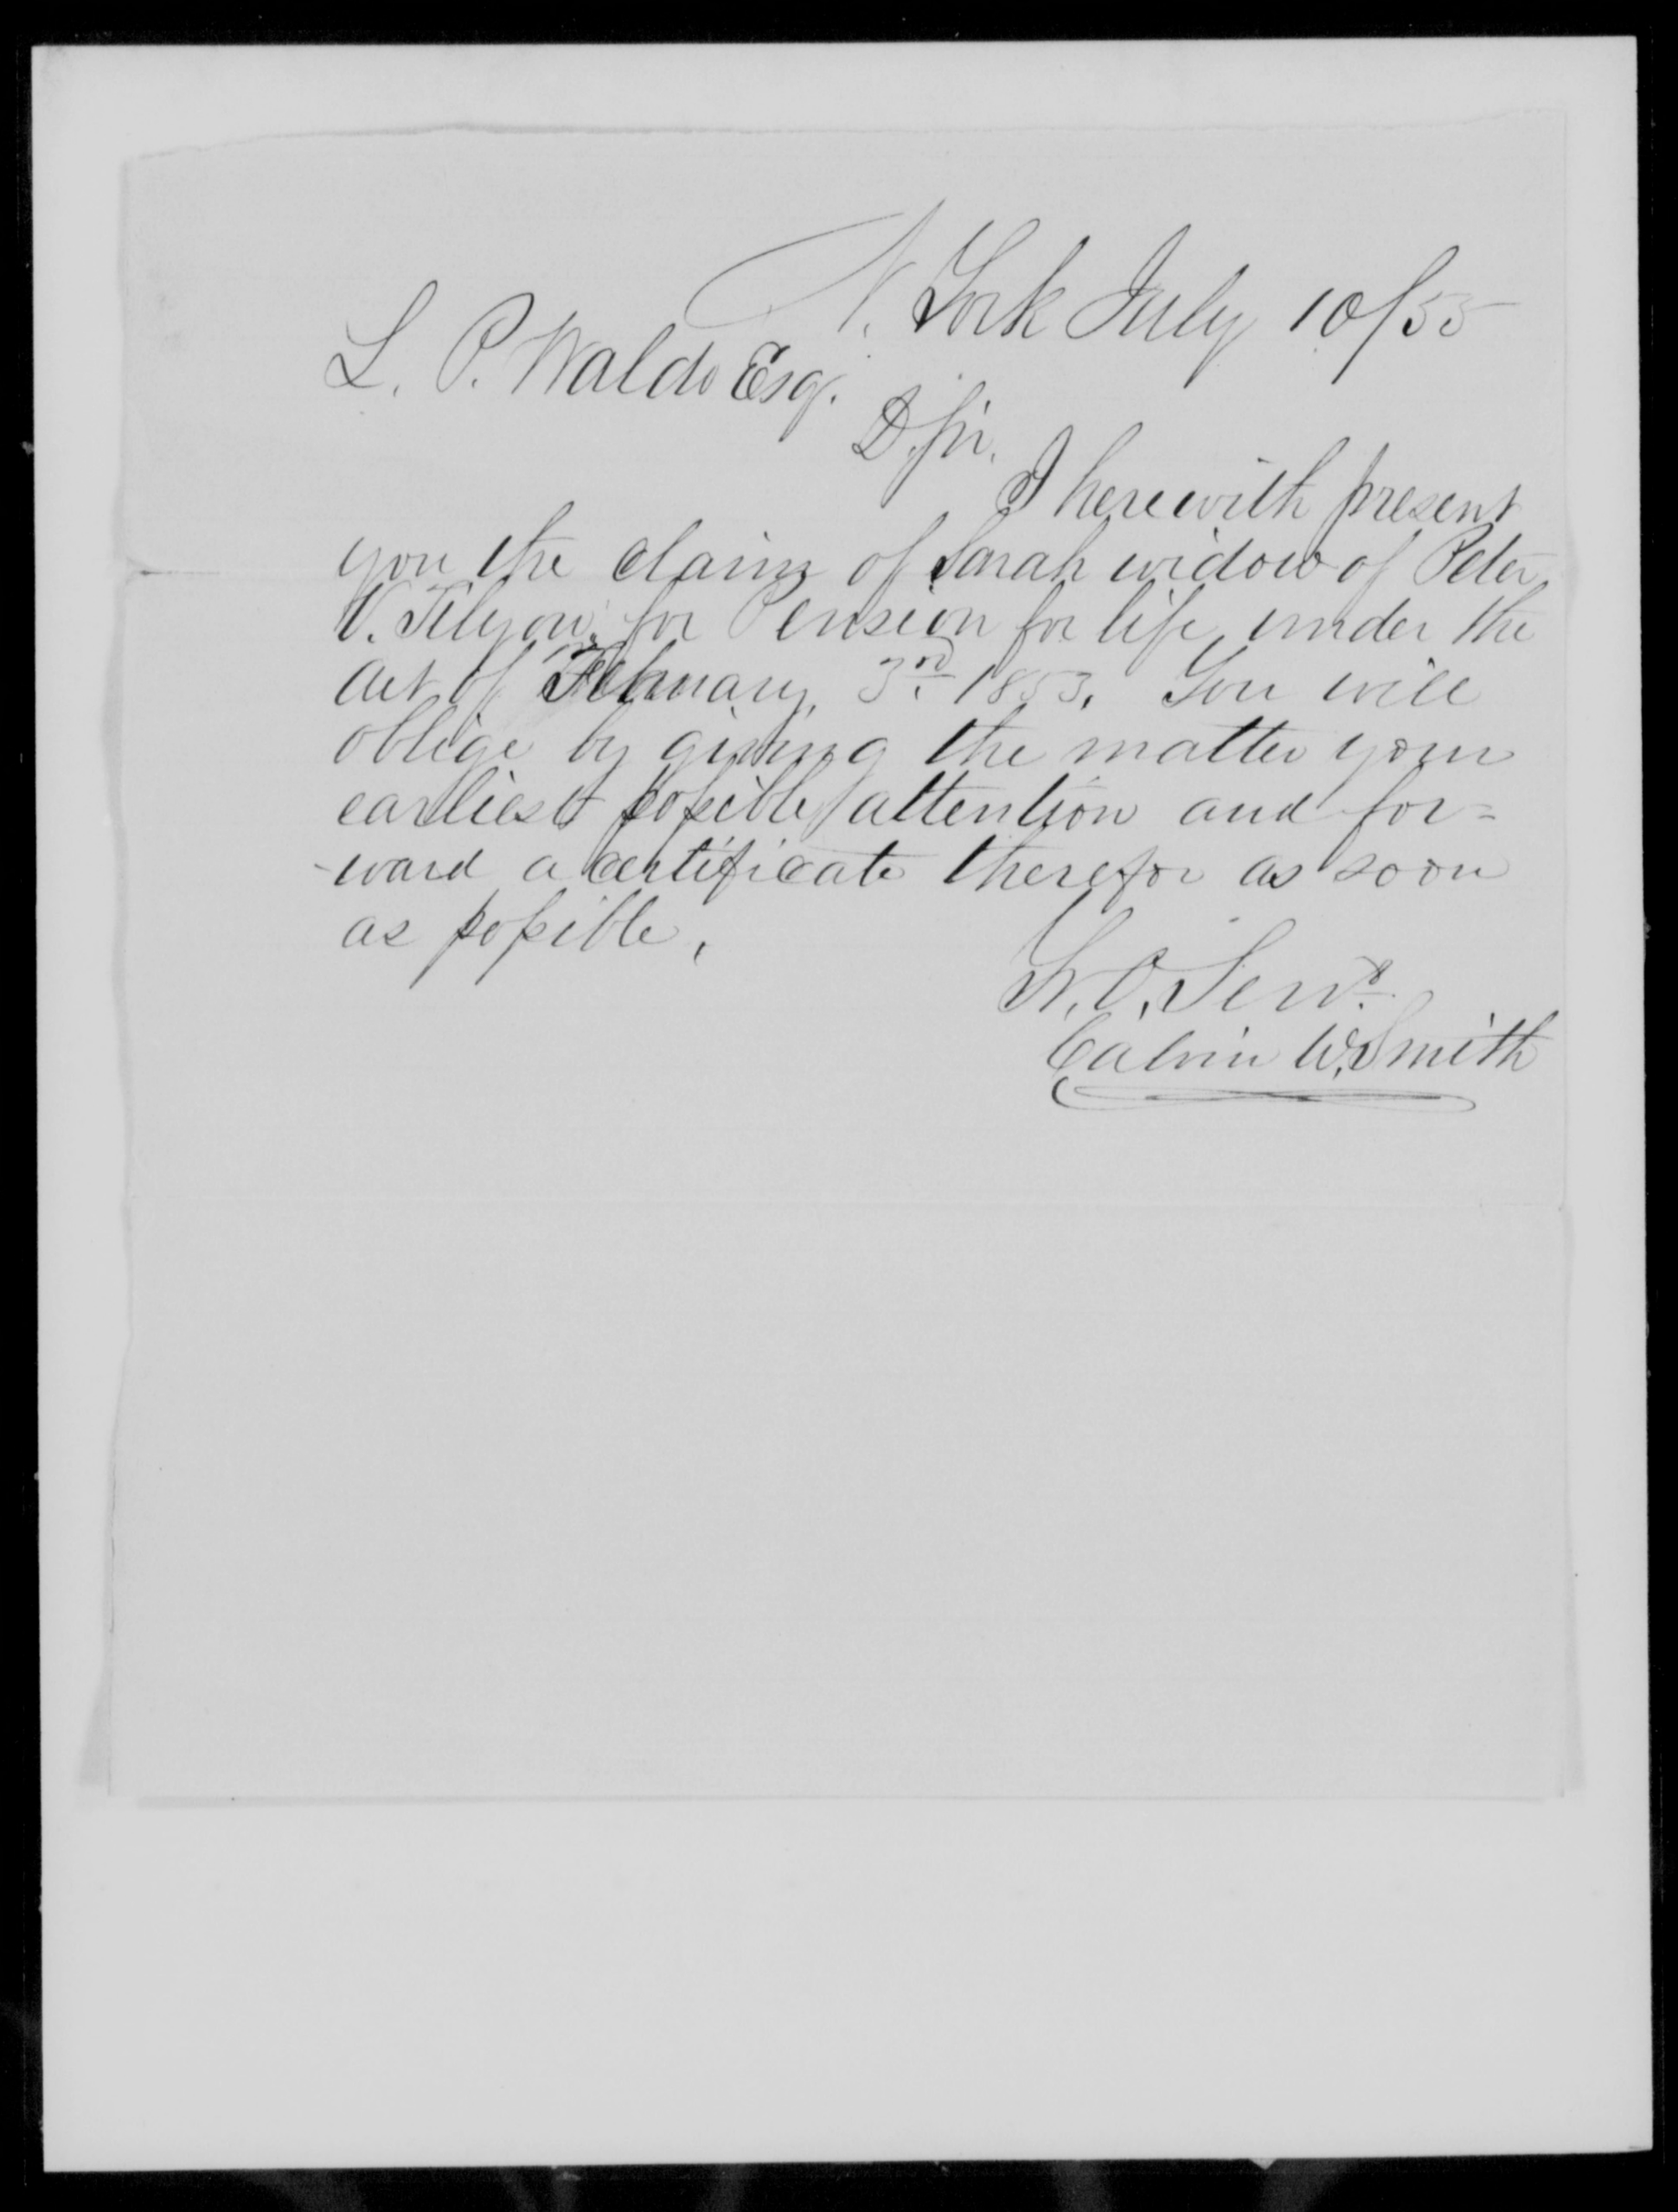N. York July 10/55
L.P. Waldo Esq.
 Dr Sir.  I herewith present you the [clai?z] of Sarah widow of Peter V. Tilyou for Pension for life, under the Act of February 3rd 1853. You will oblige by giving the matter your earliest possible attention and forward a certificate therefor  as soon as  possible.
  Yr Ob Servt
 Calvin W. Smith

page: 86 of 101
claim: widow's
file: W. 25481, for Peter V Tilyou, New Jersey